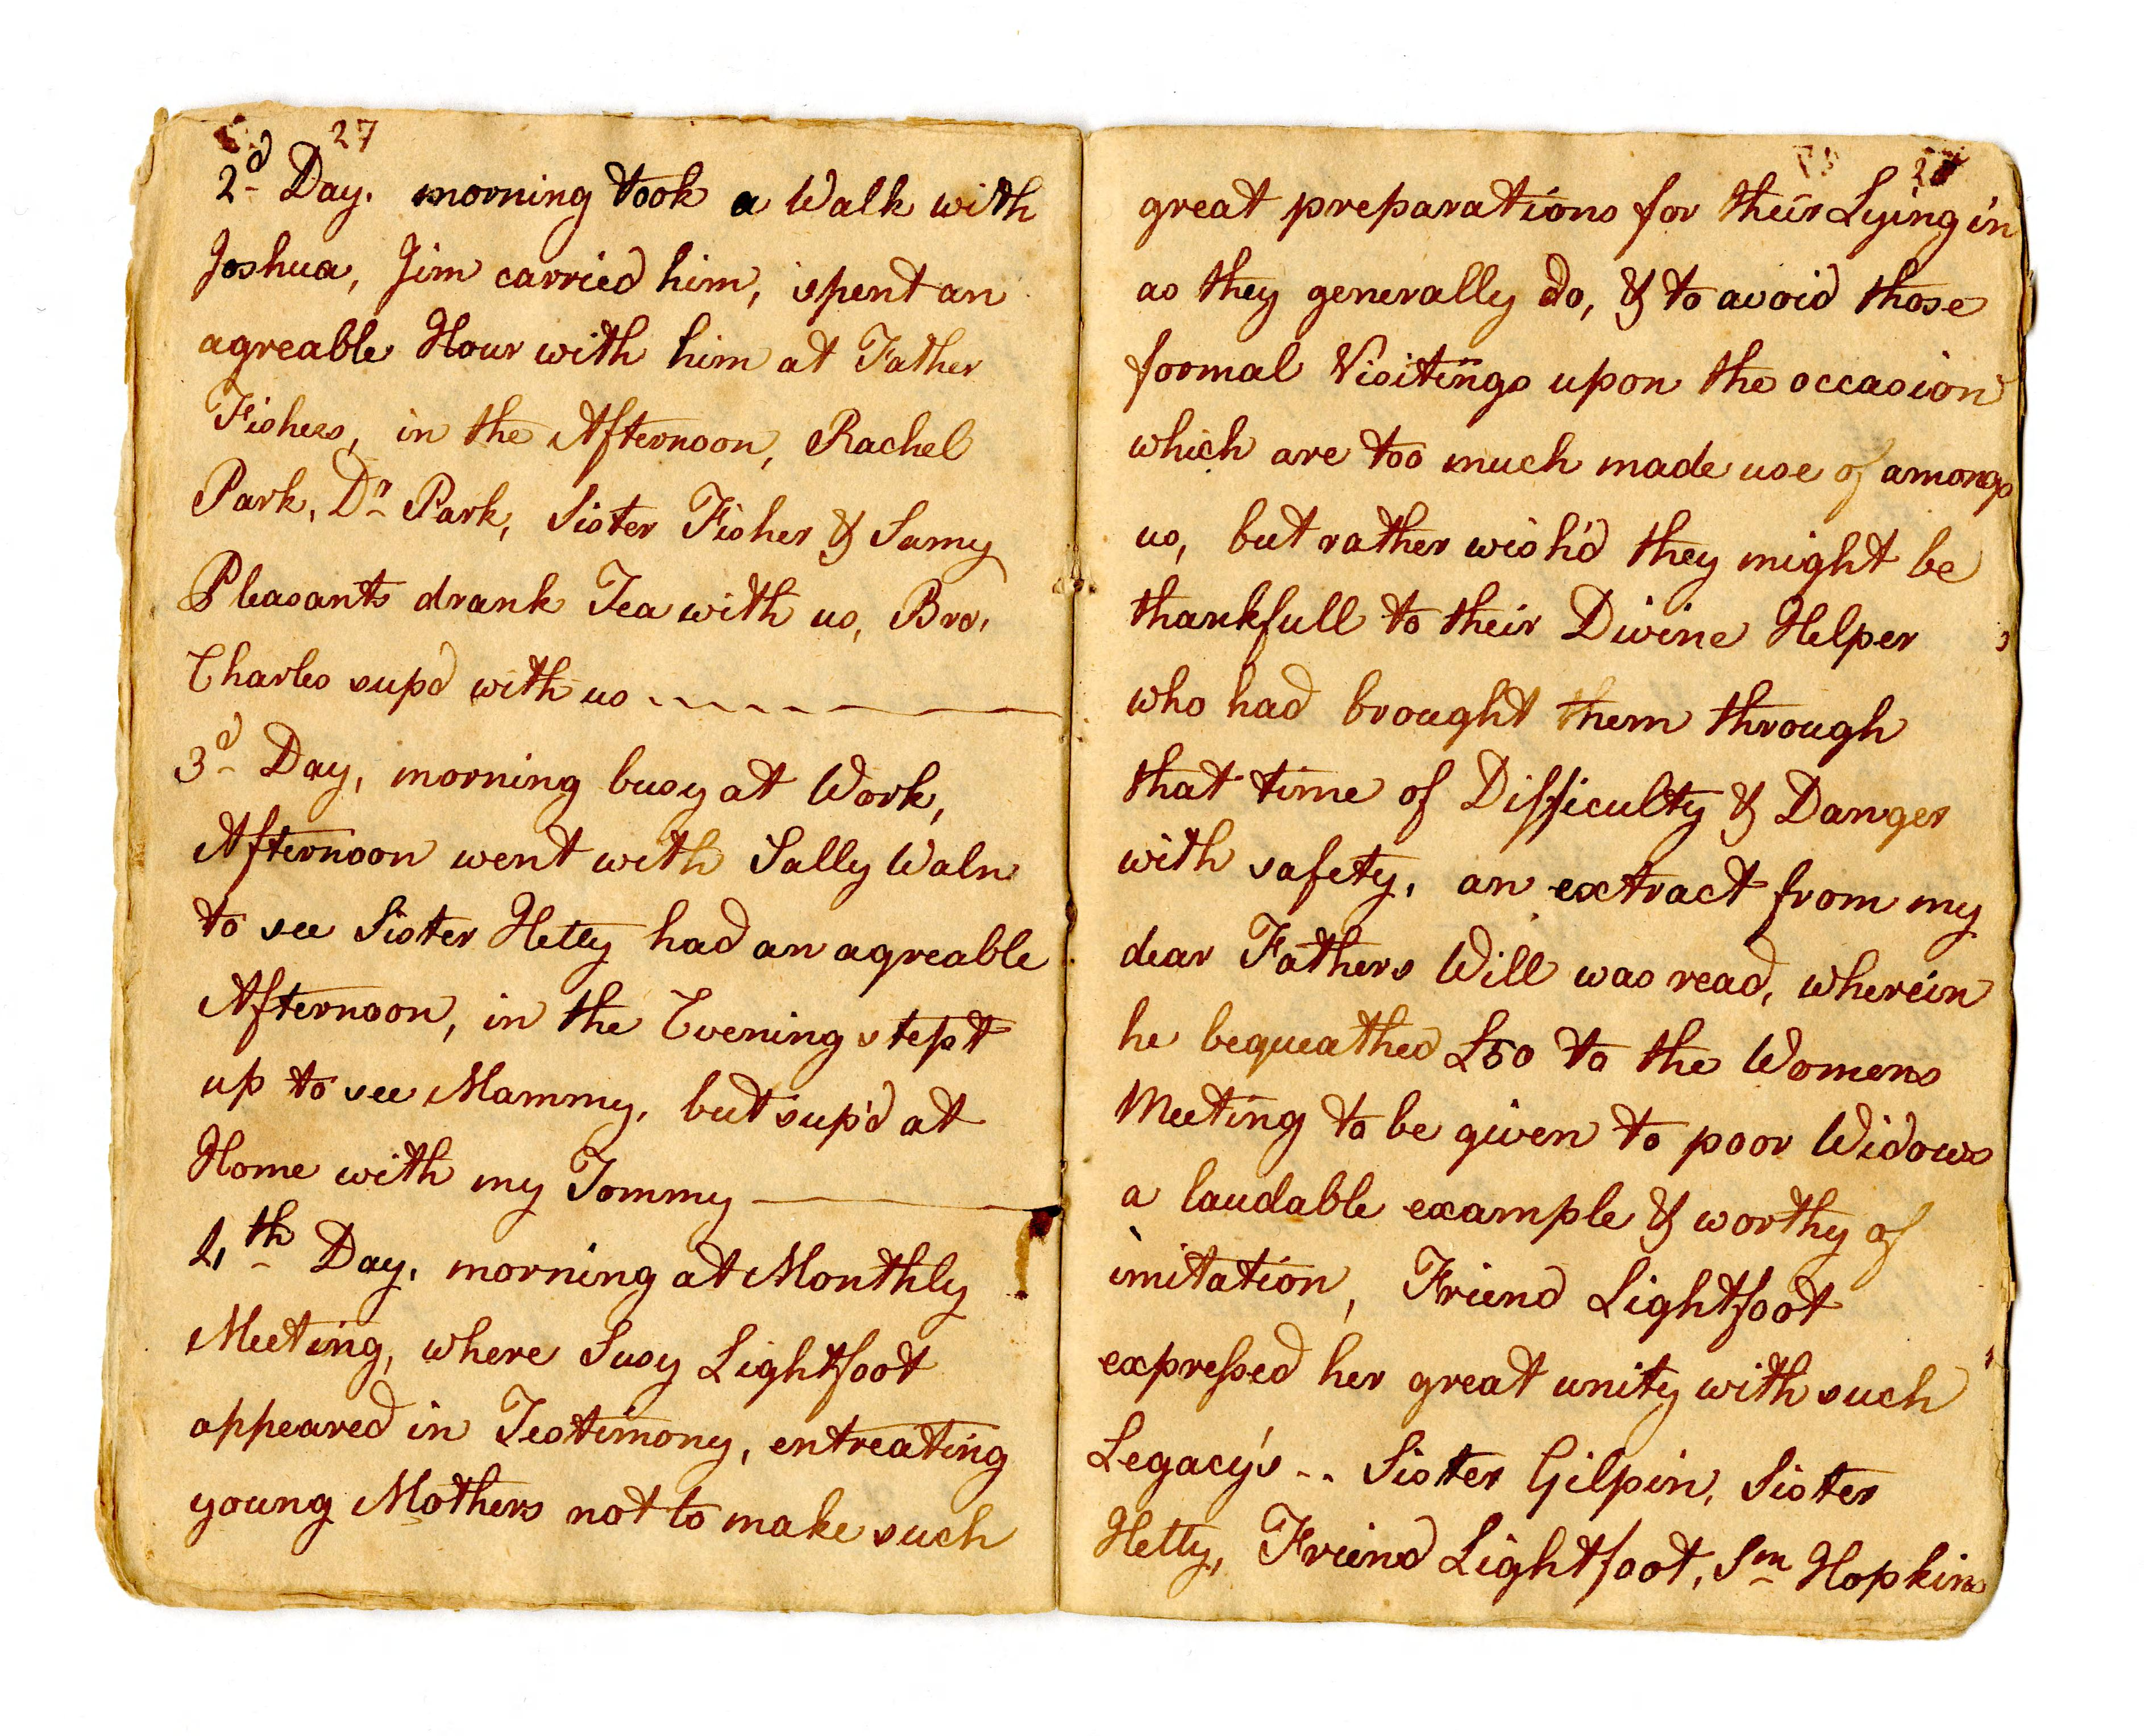27
2^d Day. morning took a Walk with
Joshua, Jim carried him, spent an
agreable Hour with him at Father
Fishers, in the Afternoon, Rachel
Park, D^r Park, Sister Fisher & Samy
Pleasants drank Tea with us, Bro,
Charles supd with us-
3^d Day, morning busy at Work,
Afternoon went with Sally Waln
to see Sister Hetty had an agreable
Afternoon, in the Evening stept
up to see Mammy, but sup'd at
Home with my Tommy-
4^th Day, morning at Monthly
Meeting, where Susy Lightfoot
appeared in Testimony, entreating
young Mothers not to make such
28
great preparations for their Lying in
as they generally do, & to avoid those
formal Visitings upon the occasion
which are too much made use of among
us, but rather wish'd they might be
thankfull to their Divine Helper
who had brought them through
that time of Difficulty & Danger
with safety, an extract from my
dear Fathers Will was read, wherein
he bequeathed £50 to the Womens
Meeting to be given to poor Widows
a laudable example & worthy of
imitation, Friend Lightfoot
expressed her great unity with such
Legacy's.. Sister Gilpin, Sister
Hetty, Friend Lightfoot, S^m Hopkins